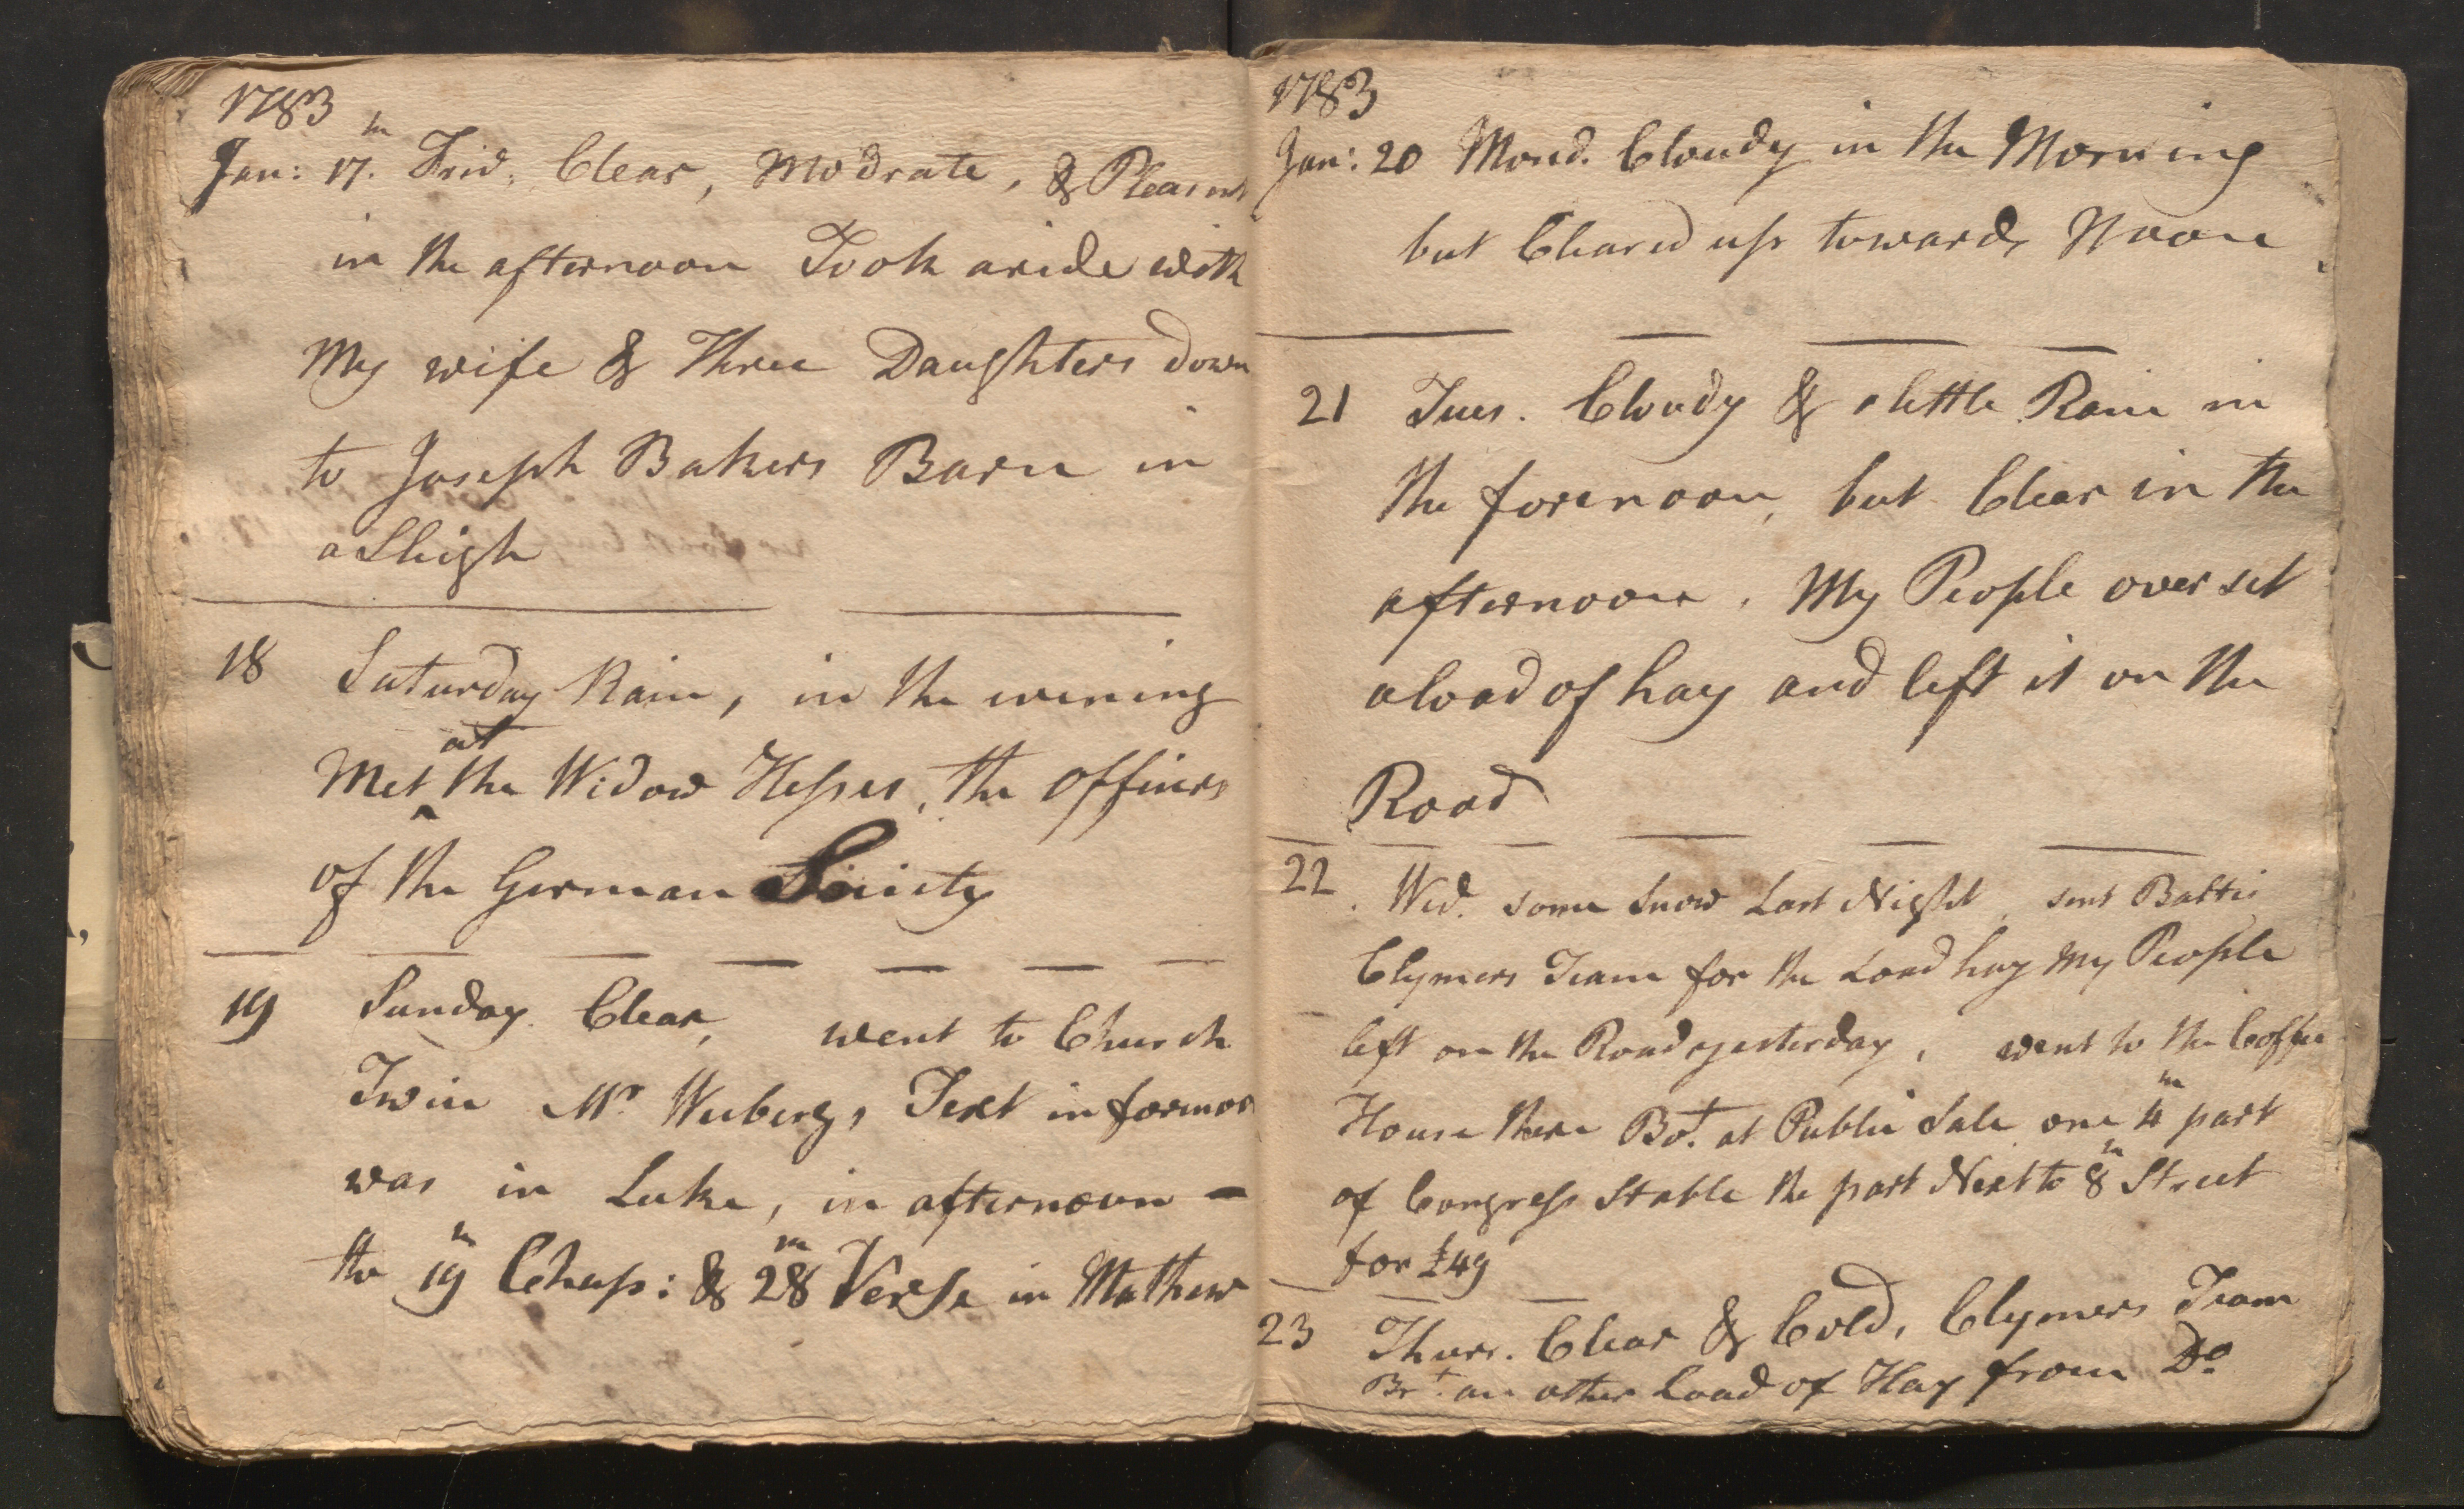1783
Jan: 17^th. Frid. Clear, Modrate, & Pleasent
in the afternoon Took a ride with
My wife & Three Daughters down
to Joseph Bakers Barn in
a Sleigh
18 Saturday Rain, in the evening
at
Met ^ the Widow Hesses, the officers
of the German Society
19 Sunday. Clear, went to Church
Twice M^r. Weibergs Text in fornoon
was in Luke, in afternoon-
the 19^th Chap: & 28^th Verse in Mathew
1773
Jan: 20 Mond. Cloudy in the Morning
but Cleared up towards Noon
21 Tues. Cloudy & a little Rain in
the forenoon but Clear in th
afternoon. My People over set
a load of hay and left it on the
Road
2 Wed. some snow Last Night sent Baltes
Clymers Team for the Load hay my People
left on the Road yesterday, went to the Coffee
House there Bo^t. at Public sale one 4^th part
of Congress Stable the past Next to 8^th Street
For £49
23 Thurs. Clear & Cold. Clymers Team
Br^t. an other Load of Hay from D^o.